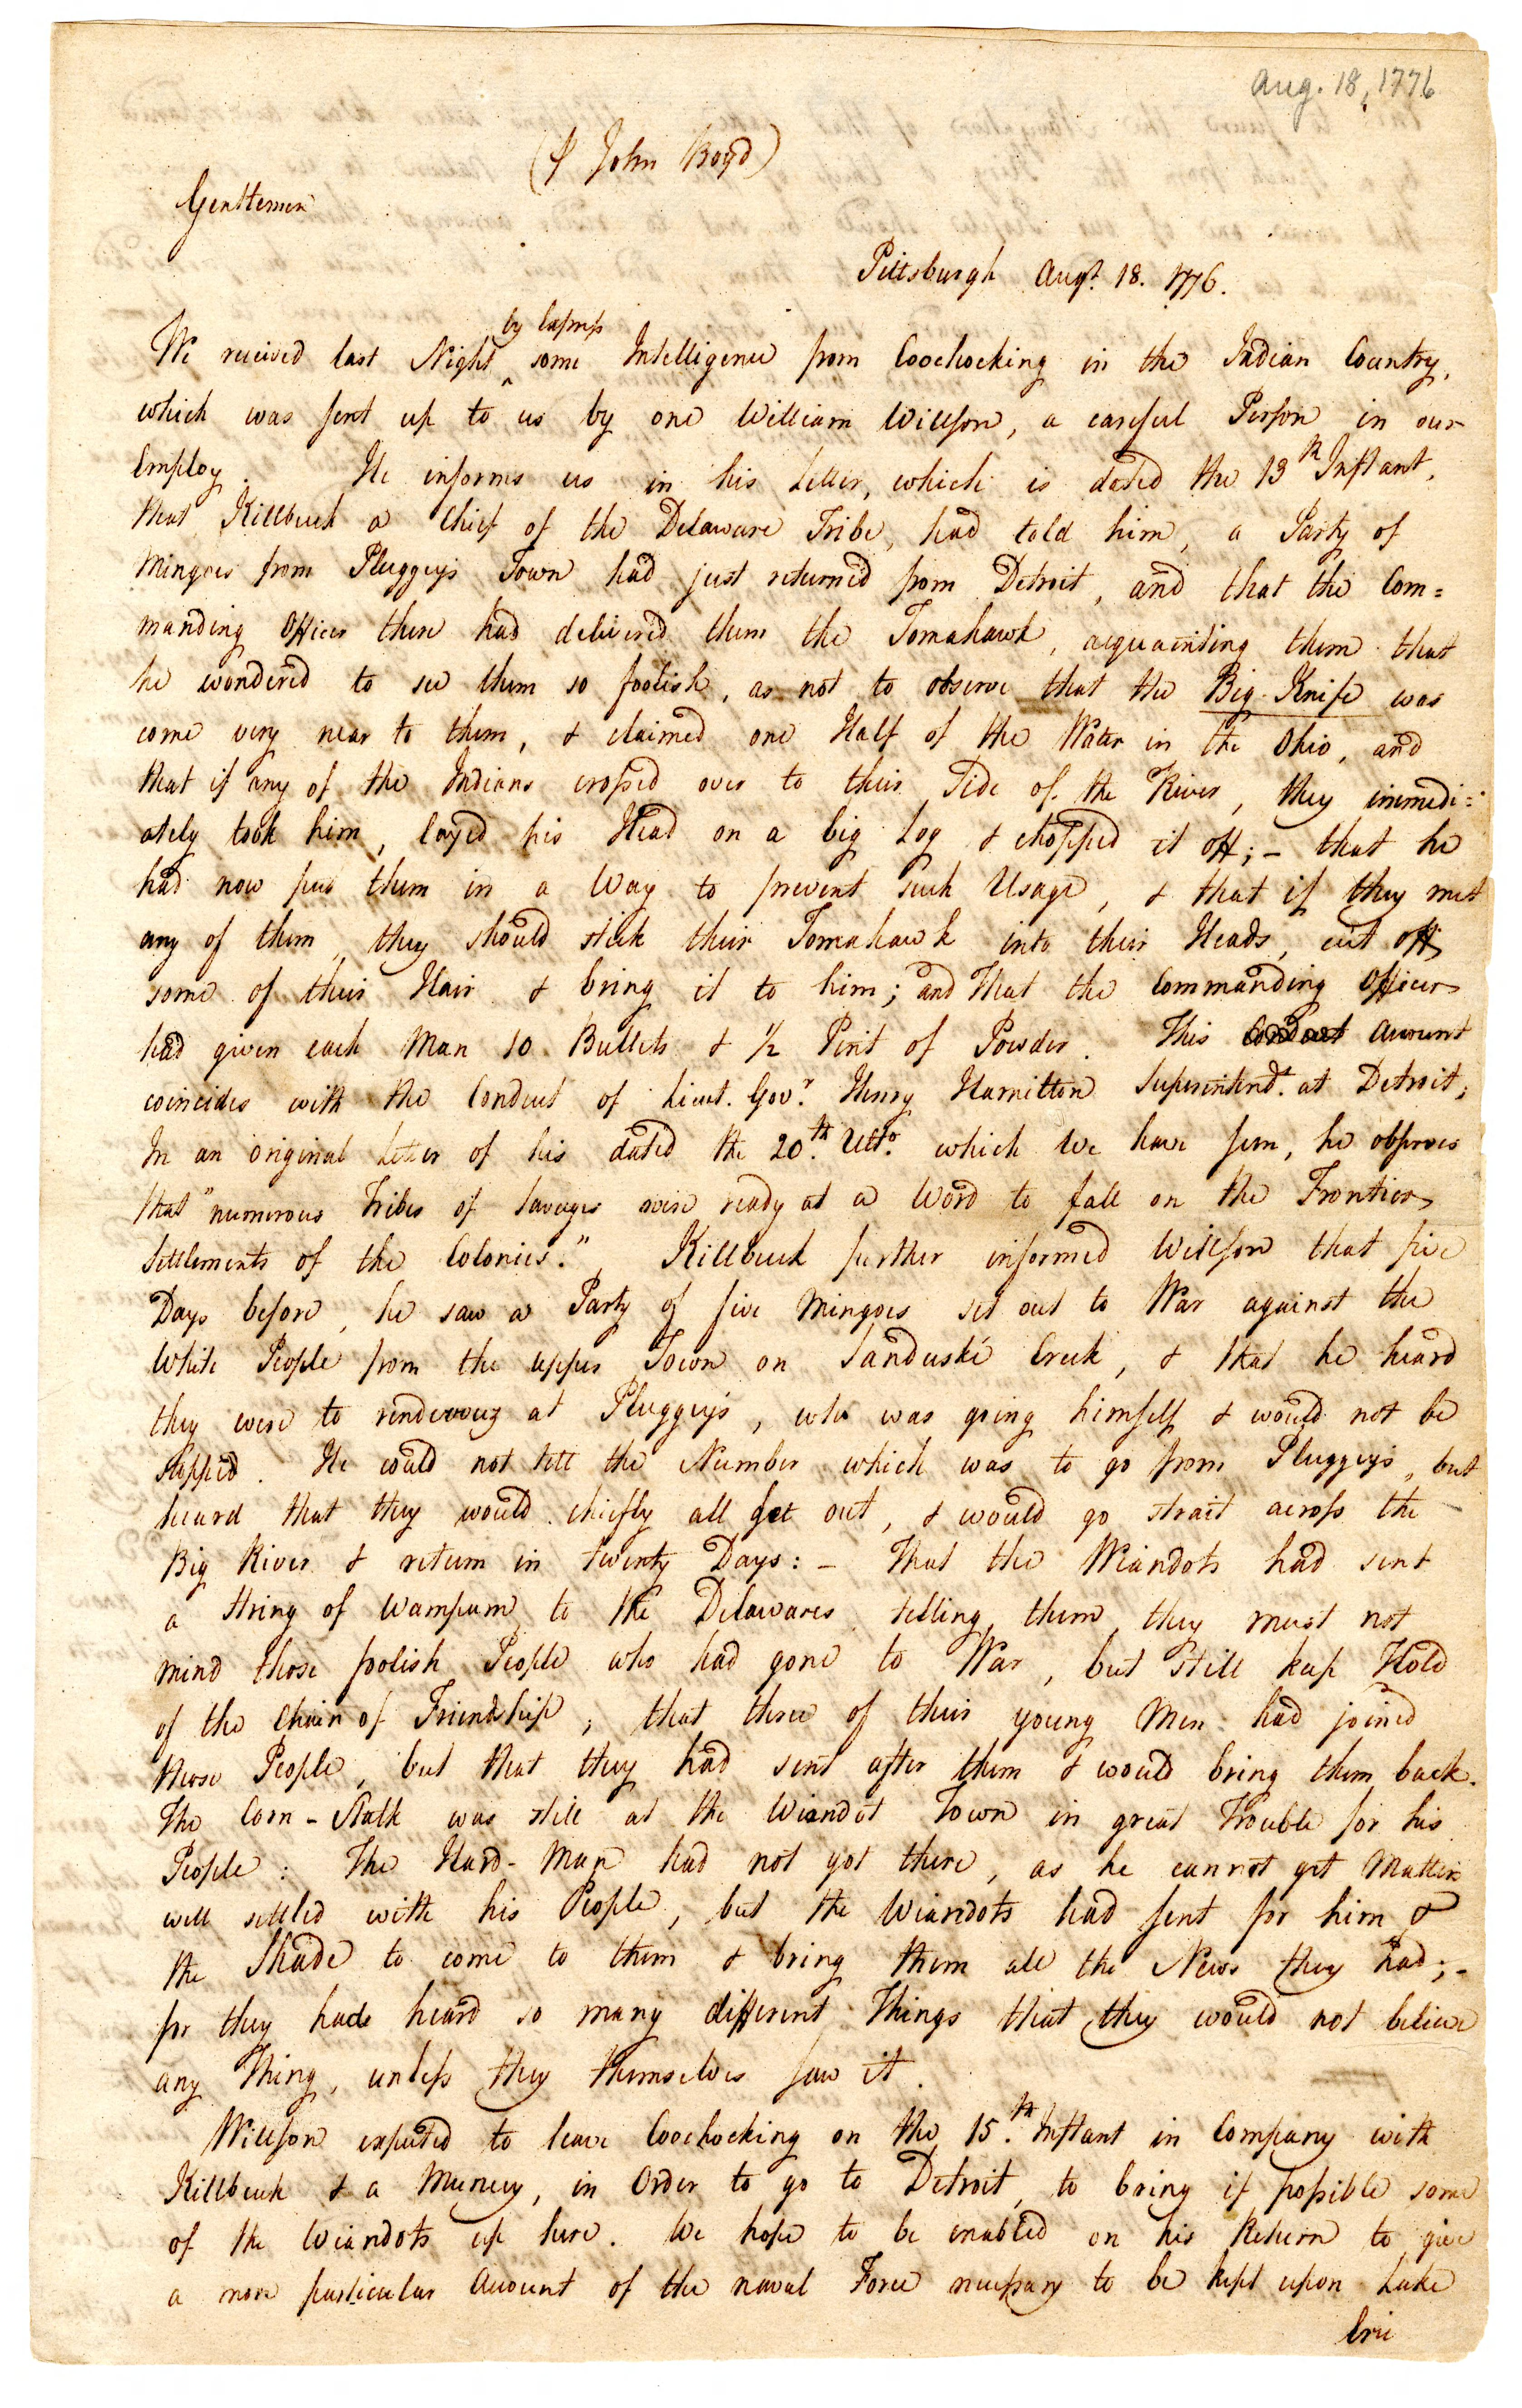(To John Boyd)
Pittsburgh Aug^t. 18. 1776.
Gentlemen
by Express
We received last Night ^ some Intelligence from Coochocking in the Indian Country,
which was sent up to us by one William Willson, a careful Person in our
Employ. He informs us in his Letter, which is dated the 13^th Instant,
that Killbuck a Chief of the Delaware Tribe, had told him, a Party of
Mingoes from Pluggey's Town had just returned from Detroit, and that the Com-
manding Officer there had delivered them the Tomahawk, acquainting them that
he wondered to see them so foolish, as not to observe that the Big Knife was
come very near to them, & claimed one Half of the Water in the Ohio, and
that if any of the Indians crossed over to their Side of the River, they immedi-
-ately took him, layed his Head on a big Log & chopped it off;- that he
has now put them in a Way to prevent such Usage, & that if they met
any of them they should stick their Tomahawk into their Heads, cut off
some of their Hair & bring it to him; and that the Commanding Officers
had given each Man 10 Bullets & 1/2 Pint of Powder. This [______] Amount
coincides with the Conduct of Lieut. Gov^r. Henry Hamilton Superintend^t. at Detroit;
In an original Letter of his dated the 20^th. Ult^o. which we have seen, he observes
that "numerous Tribes of Savages seem ready at a Word to fall on the Frontier
Settlements of the Colonies." Killbuck further informed Willson that five
Days before, he saw a Party of five mingoes set out to War against the
White People from the upper Town on Sanduské Creek, & that he heard
they were to rendevouz at Pluggey's, who was going himself & would not be
stopped. He could not tell the Number which was to go from Pluggey's, but
heard that they would chiefly all get out, & would go strait across the
Big River & return in twenty Days:- That the Wiandots had sent
a String of Wampum to the Delawares telling them they must not
mind those foolish People who had gone to War, but still keep Hold
of the chain of Friendship; that three of their young Men had joined
those People, but that they had sent after them & would bring them back.
The Corn-Stalk was still at the Wiandot Town in great Trouble for his
People. The Hard-Man had not got there, as he cannot get Matters
well settled with his People, but the Wiandots had sent for him &
the Shade to come to them & bring them all the News they had;
for they had heard so many different Things that they would not believe
any thing, unless thy themselves saw it.
Willson expected to leave Coochocking on the 15^th. Instant in Company with
Killbuck & a Muncy, in order to go to Detroit, to bring if possible some
of the Wiandots up here. We hope to be enabled on his Return to give
a new particular account of the naval Force necessary to be kept upon Lake
Erie